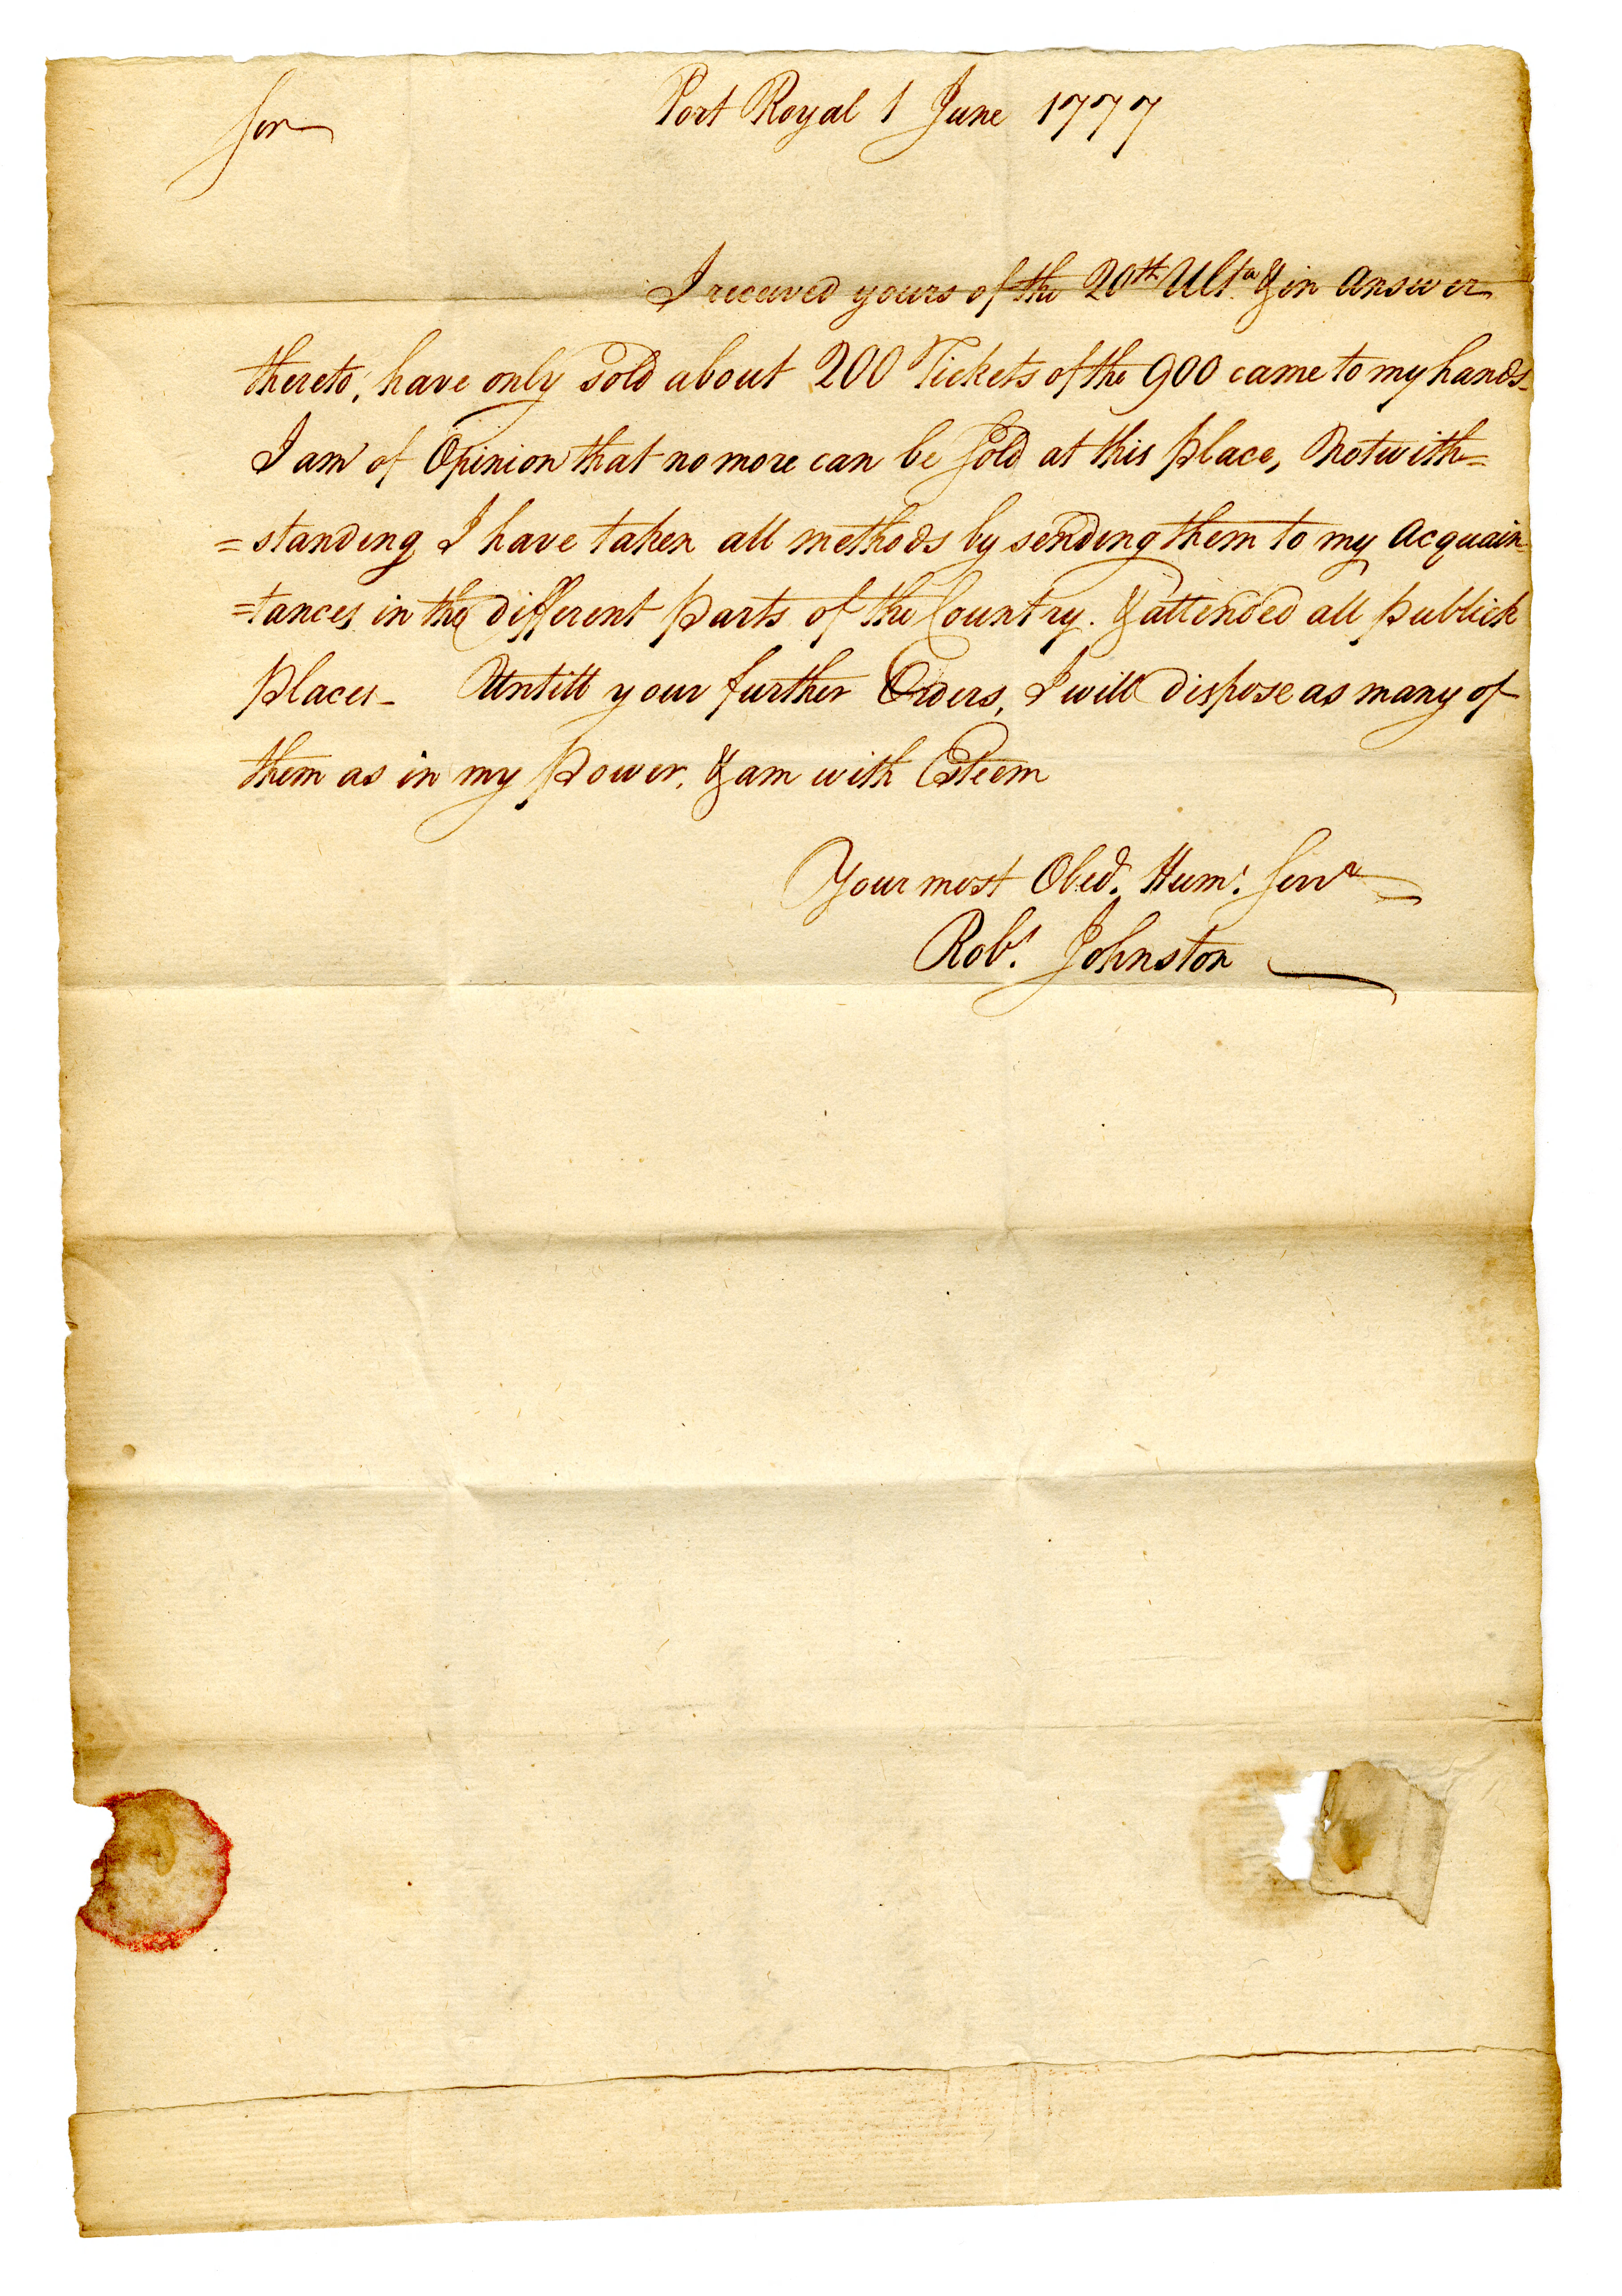Port Royal 1 June 1777
Sir
I received yours of the 20^th Ult^o. & in answer
thereto, have only sold about 200 Tickets of the 900 came to my hands.
I am of opinion that no more can be sold at this place, notwith-
-standing I have taken all methods by sending them to my acquain-
-tances in the different parts of the Country. & attended all publick
places. Untill your further Orders, I will dispose as many of
them as in my power, & am with Esteem
Your most Obed. Hum^l. Serv^t
Rob^t. Johnston